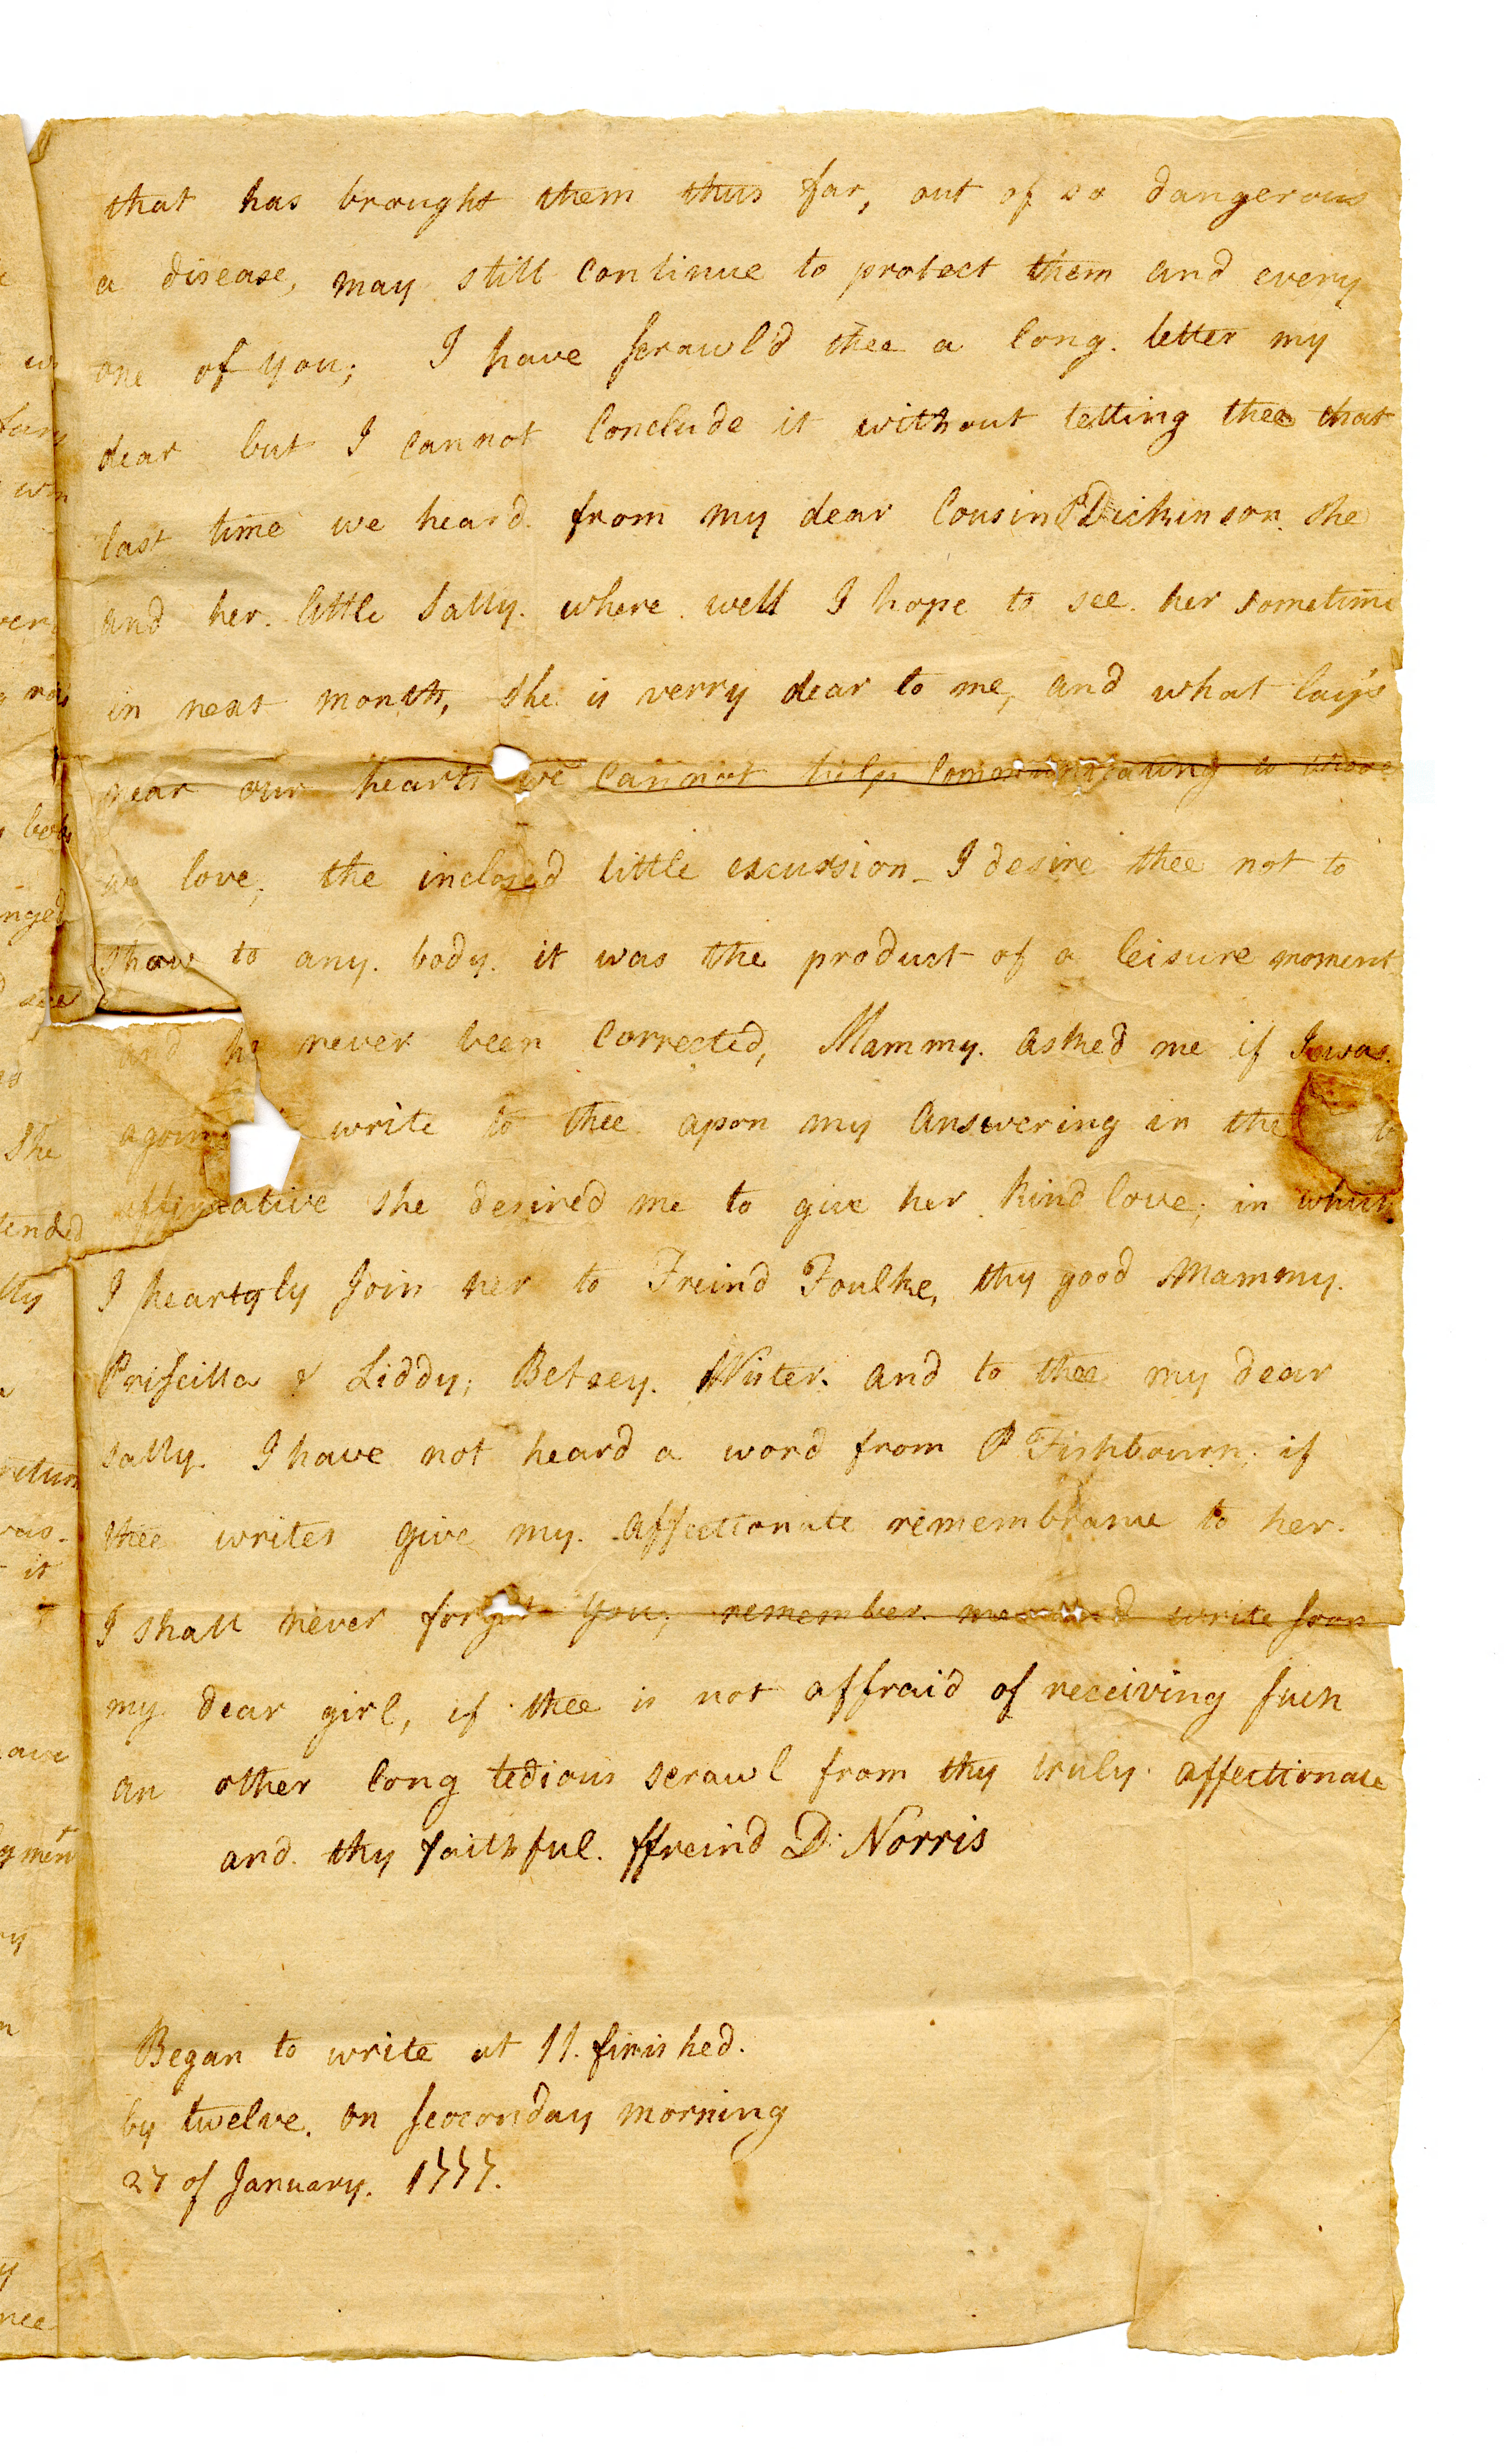that has brought them thus far, out of so dangerous
a disease, may still continue to protect them and every
one of you; I have scrawl'd thee a long letter my
dear but I cannot conclude it without telling thee that
last time we heard from my dear Cousin P. Dickinson she
and her little Sally where well I hope to see her sometime
in next month, she is verry dear to me and what lay's
nears our hearts we cannot help communicating to those
we love the inclosed little excursion- I desire thee not to
shew to any body it was the product of a leisure moment
and h[_] never been corrected, Mammy asked me if I was
agoin [_] write to thee upon my answering in the
affirmative she desired me to give her kind love; in which
I heartyly Join her to Friend Foulke, thy good Mammy.
Priscilla & Liddy Betsey Wister and to thee my dear
Sally I have not heard a word from P Fishbourne if
thee writes give my affectionate remembrance to her
I shall never forget you, remember me and write four
my dear girl, if thee is not affraid of receiving such
an other long tedious scrawl from thy truly affectionate
and thy faithful ffriend D Norris
Began to write at 11. finished
by twelve. on seconday morning
27 of January. 1777.